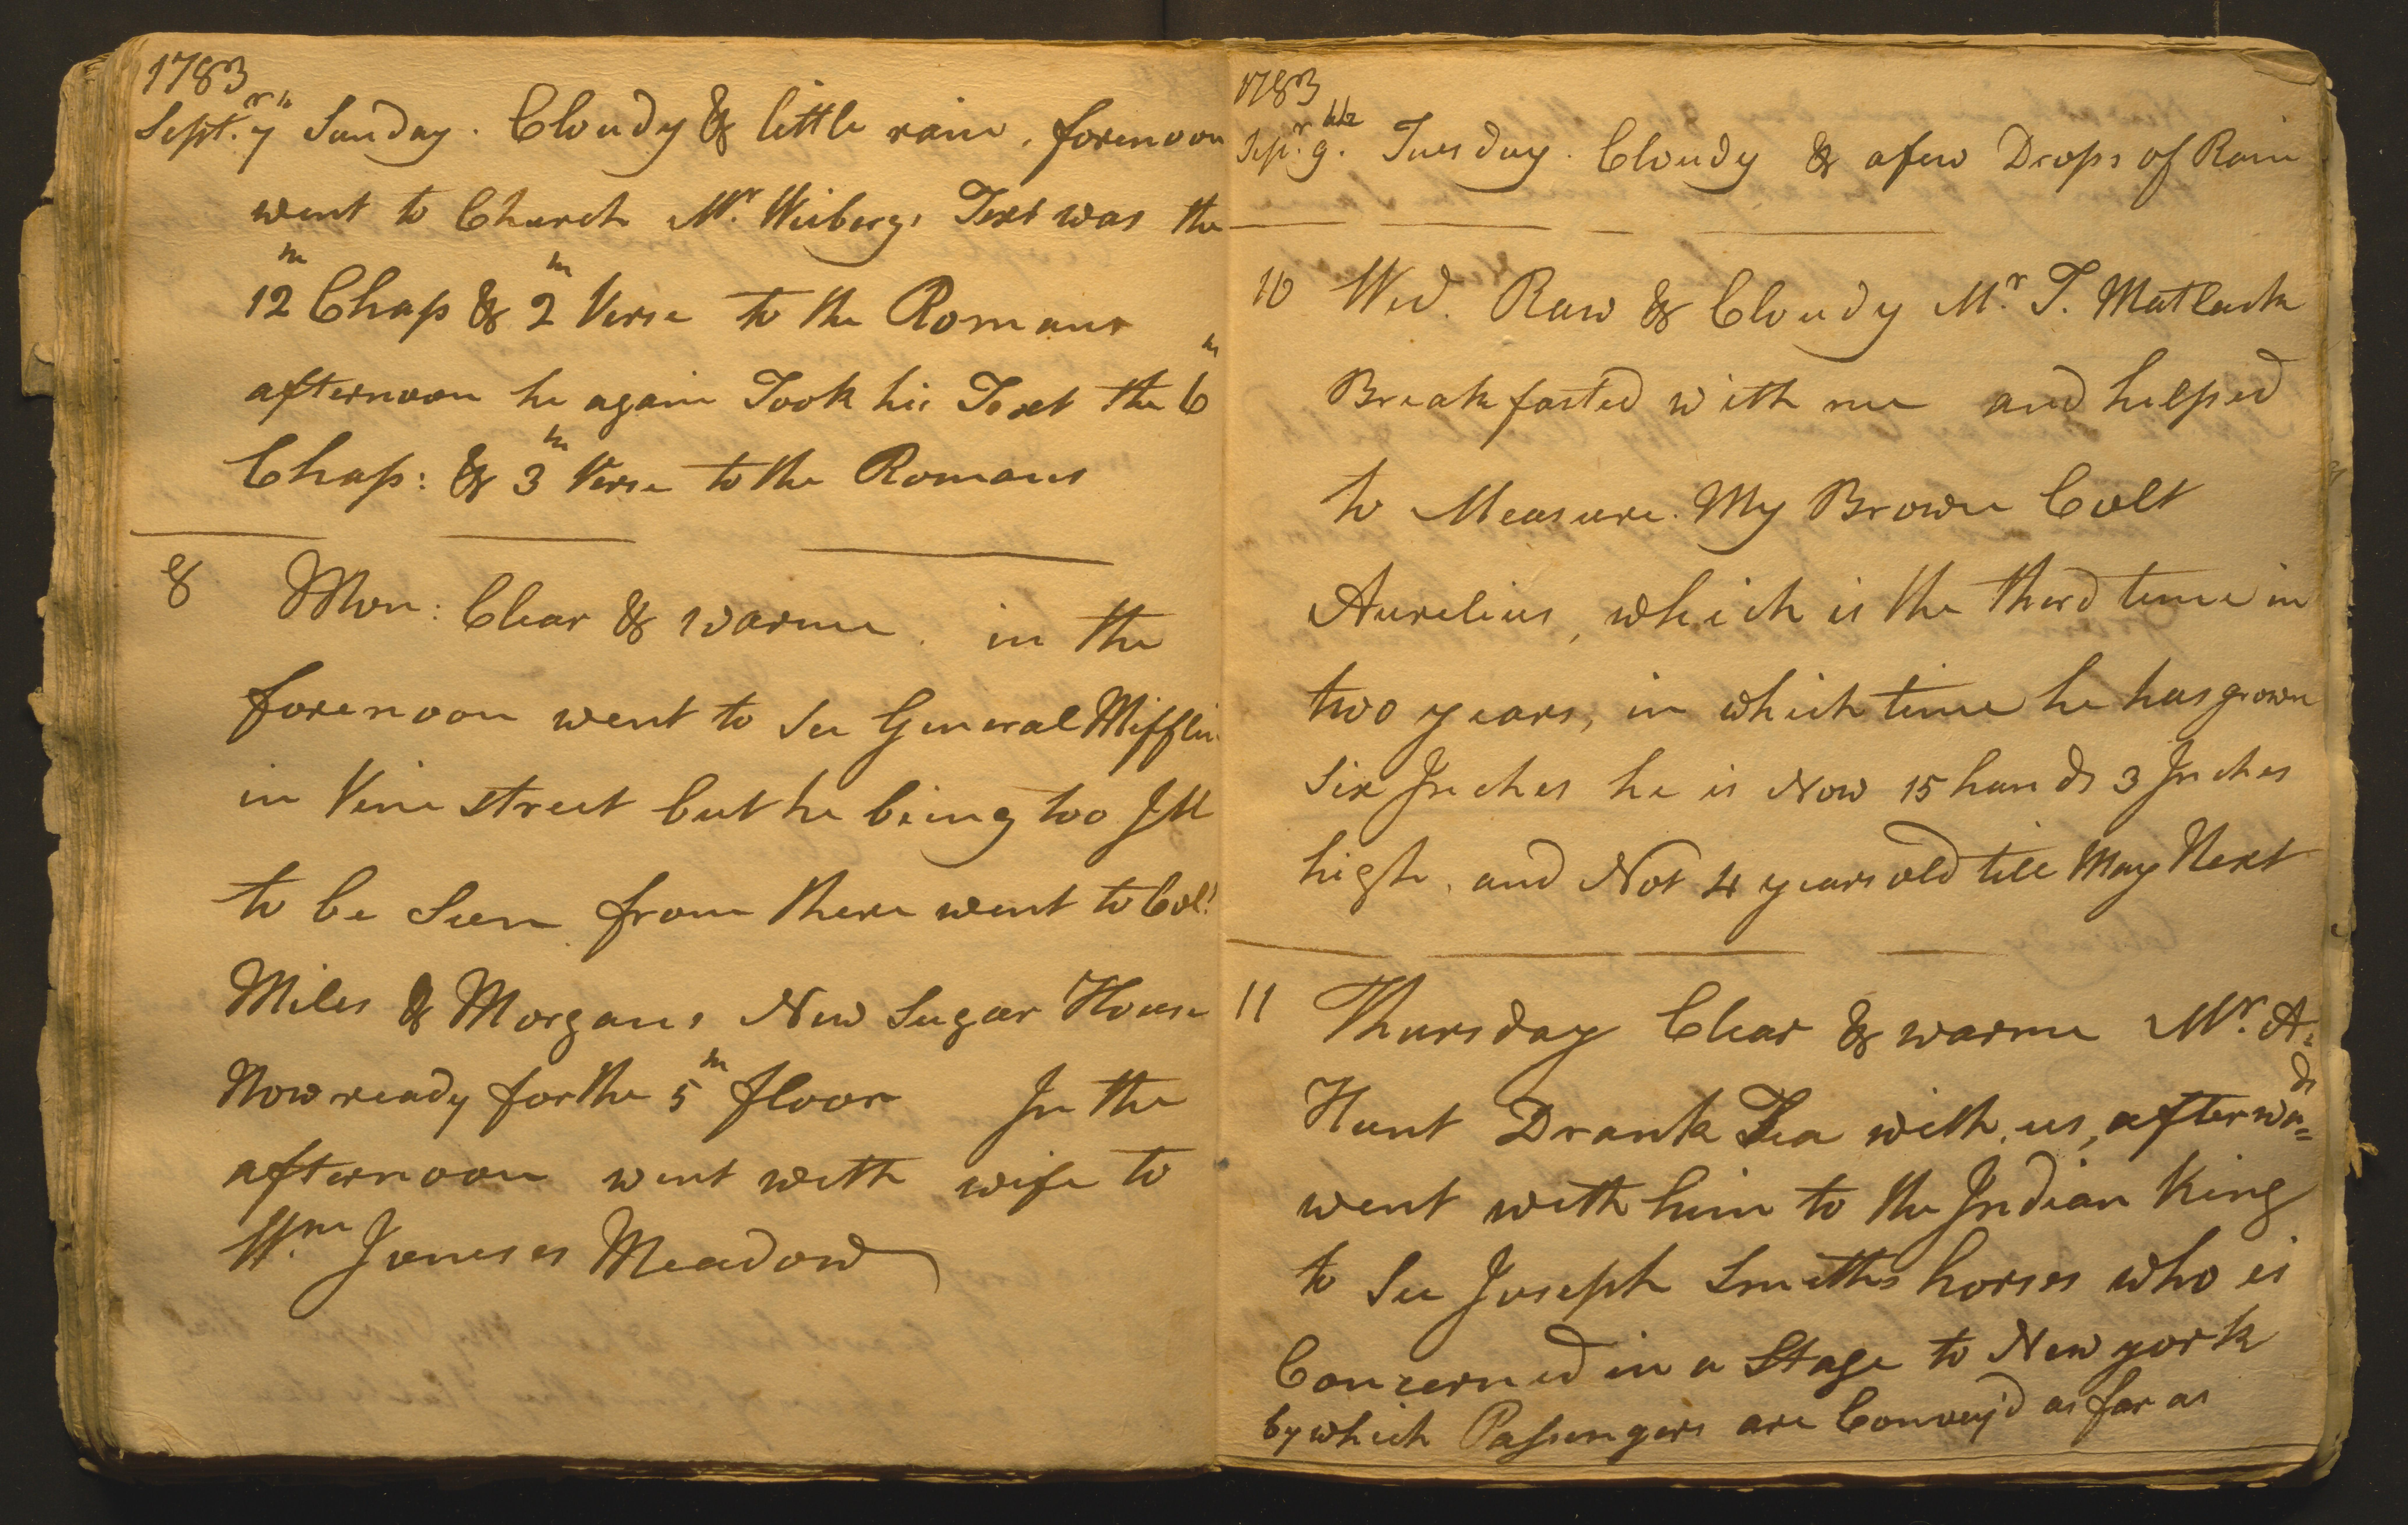1783
Sept^r. 7^th Sunday. Cloudy & little rain, forenoon
went to Church M^r. Weibergs Text was the
12^th Chap & 2^th Verse to the Romans
afternoon he again Took his Text the 6
Chap: & 3^th Verse to the Romans
8 Mon: Clear & warme. in the
forenoon went to see General Mifflin
in Vine street but he being to Ill
to be seen from there went to Col.
Miles & Morgans New Sugar House
Now ready for the 5^th floor In the
afternoon went with wife to
W^m. Joneses Meadow
1783
Sep^r. 9^th. Tuesday. Cloudy & a few Drops of Rain
10 Wed. Raw & Cloudy M^r. T. Matlack
Breakfasted with me, and helped
to Measure. My Brown Colt
Aurelius which is the third time in
two years, in which time he has grown
six Inches he is Now 15 hands 3 Inches
high, and Not 4 years old till May Next
11 Thursday Clear & warme M^r. A
Hunt Drank Tea with, us afterwa^ds
went with him to the Indian King
to see Joseph Smiths horses who is
Concerned in a stage to New york
by which Passengers are Convey'd as far as